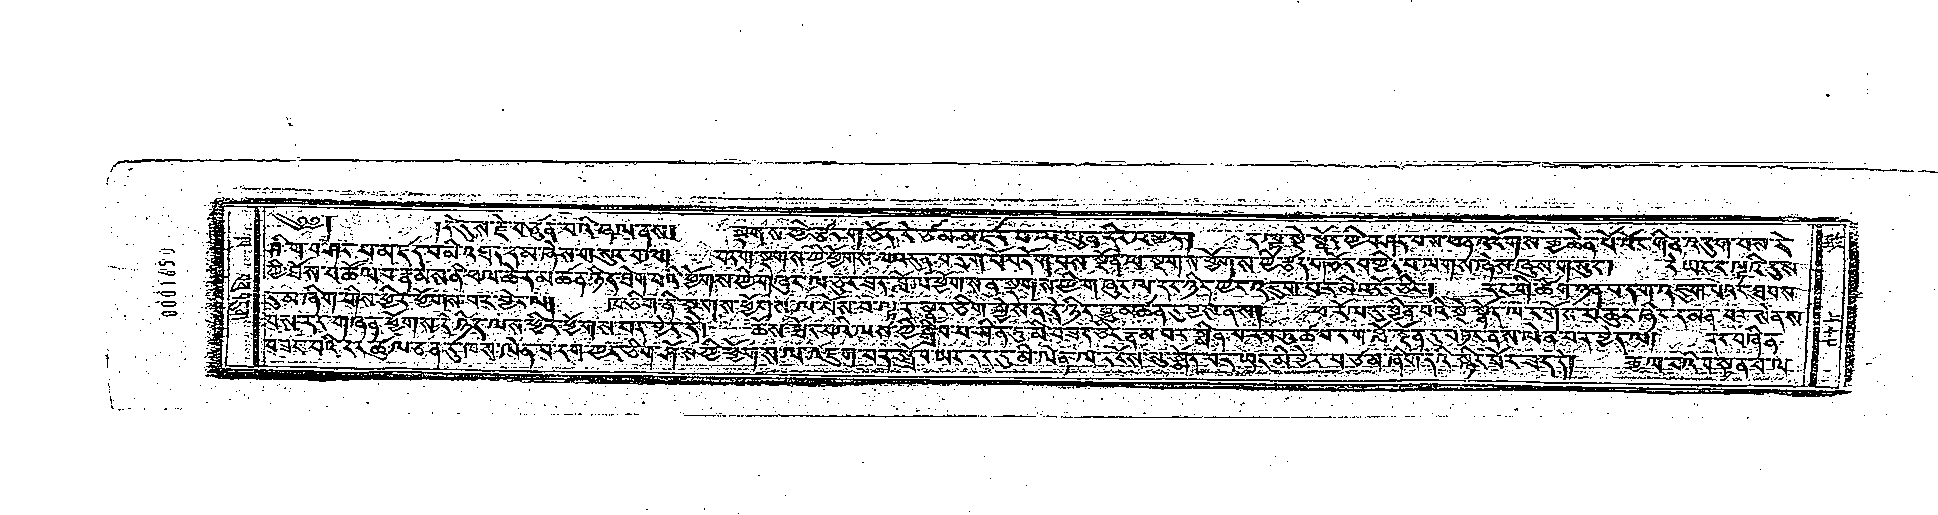༄༅། །དེ་དུས་རྗེ་བཙུན་པའི་ཞལ་ནས། སྡགས་ཀྱི་རྩད་གཅོད་དེ་ཙ་མ་མཛད་པ་ལ་ཡུན་རིང་འགྱང་། ད་ལྟ་སྡེ་སྣོད་ཀྱི་བཤད་པས་ཕན་འདོགས་རྒྱ་ཆེན་པོ་འོང་གི་ན་འདུག་བས་དེ་
ཤིག་བཤད་པ་མཛད་པ་མི་འཐད་དམ་ཞེས་གསུང་བ་ལ། བདག་སྔགས་ཀྱི་ཕྱོགས་ལ་འདུན་པ་དྲག་པོ་བདོག་པས་སྔོན་ལ་སྔགས་ཕྱོགས་ཀྱི་རྩད་གཙང་བགྱིད་པ་ལགས་ཞེས་ཞུས་གསུང་། དེ་ཡང་ད་ལྟའི་དུས་
ཀྱི་ཐོས་བ་ཚོལ་བ་རྣམས་ནི་ཕལ་ཆེར་མཚན་ཉིད་ཐེག་བའི་ཕྱོགས་ཀྱི་གཞུང་ལ་ཅུང་ཟད་བློ་ལ་ཕྱོགས་ན་སྔགས་ཀྱི་གཞུང་ལ་རང་ཉིད་ཀྱང་འཇུག་པར་མི་འདོད་ཅིང་། རང་གི་ཚིག་ཉན་པ་དག་འཇུག་པའང་ཐབས་
དུ་མ་ཞིག་གིས་ཕྱིར་ཕྱོགས་བར་བྱེད་ལ། ཁ་ཅིག་ནི་སྔགས་ཕྱོགས་ལ་མོས་བ་ལྟར་སྣང་ཅིག་སྐྱེས་ན་དེ་ཉིད་རྒྱུ་མཚན་དུ་བྱས་ནས། ཕ་རོལ་དུ་ཕྱིན་པའི་སྡེ་སྣོད་ལ་དགོས་པ་ཆུང་ཞིང་དམན་བར་སེན་ས་
བས་རང་གཞན་ཕྱོགས་དེ་ཉིད་ལས་ཕྱིར་ཕྱོགས་པར་བྱེད་དེ། ཆོས་སྦོང་བའི་ལས་ཀྱི་སྒྲིབ་པ་ཤིན་ཏུ་མི་བཟད་ཅིང་རྣམ་བར་སྨིན་པ་རབ་ཏུ་ཚ་བ་དག་བློ་སྔོན་དུ་བཏང་ནས་ལེན་པར་བྱེད་ལ། རང་བཞིན་
བཟང་བའི་དང་ཚུལ་ཅན་དུ་ཁས་ལེན་པ་དག་ཀྱང་ཅིག་ཤོས་ཀྱི་ཕྱོགས་ལ་འཇུག་པར་སྤྲོ་བ་ཡང་དད་དུ་མི་ལེན་ལ་དངོས་སུ་སྨོད་པར་ཡང་མི་བྱེད་པ་ཙམ་ཞིག་དེའི་སྙིང་པོར་ཟད་དེ། རྒྱལ་བའི་བསྟན་པ་ལ་